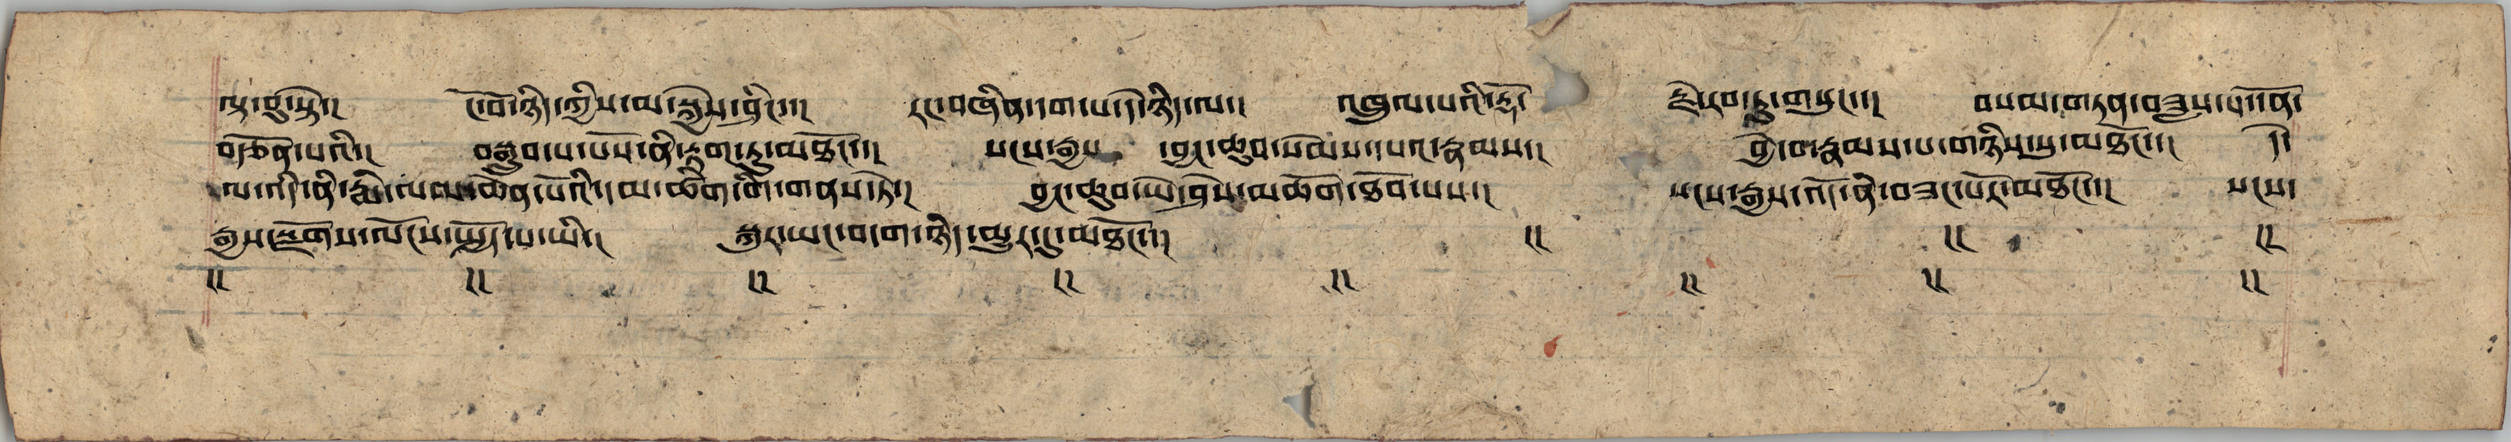ལྟ་བུ་སྟེ་། ངོ་བོ་ཉིད་ཀྱིས་མ་སྐྱེས་ཤིང་་། རང་བཞིན་དག་པ་དེ་ཉདི་ལ་། འཁྲུལ་པའི་རྡོ་ རྗེ་རབ་ཏུ་གསུང་་། བསམ་གཏན་བཟླས་པ་དོན་
བརྩོན་པའི་། བསྒྲུབ་པ་པོས་ནི་རྟག་ཏུ་མཐོང་་། སངས་རྒྱས་ བྱང་ཆུབ་སེམས་དཔའ་རྣམས་། བྱེ་བ་རྣམས་པ་གཉིས་སུ་མཐོང་་།
ལ་འདི་ནི་རྨི་ལམ་ཆེན་པོའི་དམ་ཚིག་གི་གནས་ཏེ་། བྱང་ཆུབ་ཡེ་ཤེས་མཆོག་ཐོབ་པས་། སངས་རྒྱས་འོད་ནི་བཟང་པོར་མཐོང་་། སངས་
རྒྱས་སྫོགས་ལོངས་སྤྱོད་པ་ཡི་། སྐུར་ཡང་བདག་ཉིད་མྱུར་དུ་མཐོང་་།